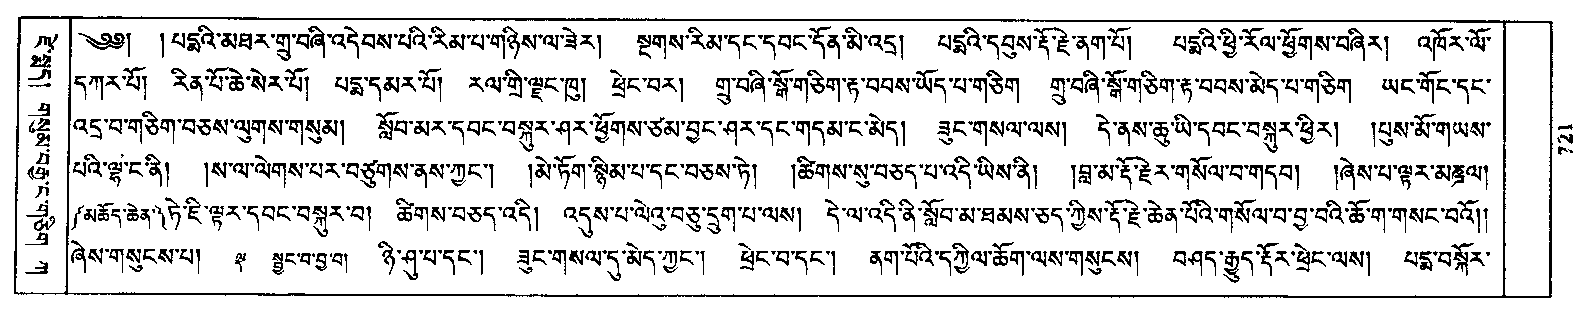༄༅། །པདམའི་མཐར་གྲུ་བཞི་འདེབས་པའི་རིམ་པ་གཉིས་ལ་ཟེར། སྔགས་རིམ་དང་དབང་དོན་མི་འདྲ། པདམའི་དབུས་རྡོ་རྗེ་ནག་པོ། པདམའི་ཕྱི་རོལ་ཕྱོགས་བཞིར། འཁོར་ལོ་
དཀར་པོ། རིན་པོ་ཆེ་སེར་པོ། པདམ་དམར་པོ། རལ་གྲི་ལྗང་ཁུ། ཕྲེང་བར། གྲུ་བཞི་སྒོ་གཅིག་རྟ་བབས་ཡོད་པ་གཅིག་གྲུ་བཞི་སྒོ་གཅིག་རྟ་བབས་མེད་པ་གཅིག་ཡང་གོང་དང་
འདྲ་བ་གཅིག་བཅས་ལུགས་གསུམ། སློབ་མར་དབང་བསྐུར་ཤར་ཕྱོགས་ཙམ་བྱང་ཤར་དང་གདམ་ང་མེད། ཟུང་གསལ་ལས། དེ་ནས་ཆུ་ཡི་དབང་བསྐུར་ཕྱིར། །པུས་མོ་གཡས་
པའི་ལྷ་ང་ནི། །ས་ལ་ལེགས་པར་བཙུགས་ནས་ཀྱང་། །མེ་ཏོག་སྙིམ་པ་དང་བཅས་ཏེ། །ཚིགས་སུ་བཅད་པ་འདི་ཡིས་ནི། །བླ་མ་རྡོ་རྗེར་གསོལ་བ་གདབ། །ཞེས་པ་ལྟར་མཎྜལ།
མཆོད་ཆེན྄་ཏེ་ཇི་ལྟར་དབང་བསྐུར་བ། ཚིགས་བཅད་འདི། འདུས་པ་ལེའུ་བཅུ་དྲུག་པ་ལས། དེ་ལ་འདི་ནི་སློབ་མ་ཐམས་ཅད་ཀྱིས་རྡོ་རྗེ་ཆེན་པོའི་གསོལ་བ་བྱ་བའི་ཆོ་ག་གསང་བའོ།།
ཞེས་གསུངས་པ། ༈ སྦྱང་བ་བྱ་བ། ཉི་ཤུ་པ་དང་། ཟུང་གསལ་དུ་མེད་ཀྱང་། ཕྲེང་བ་དང་། ནག་པོའི་དཀྱིལ་ཆོག་ལས་གསུངས། བཤད་རྒྱུད་རྡོར་ཕྲེང་ལས། པདམ་བསྐོར་